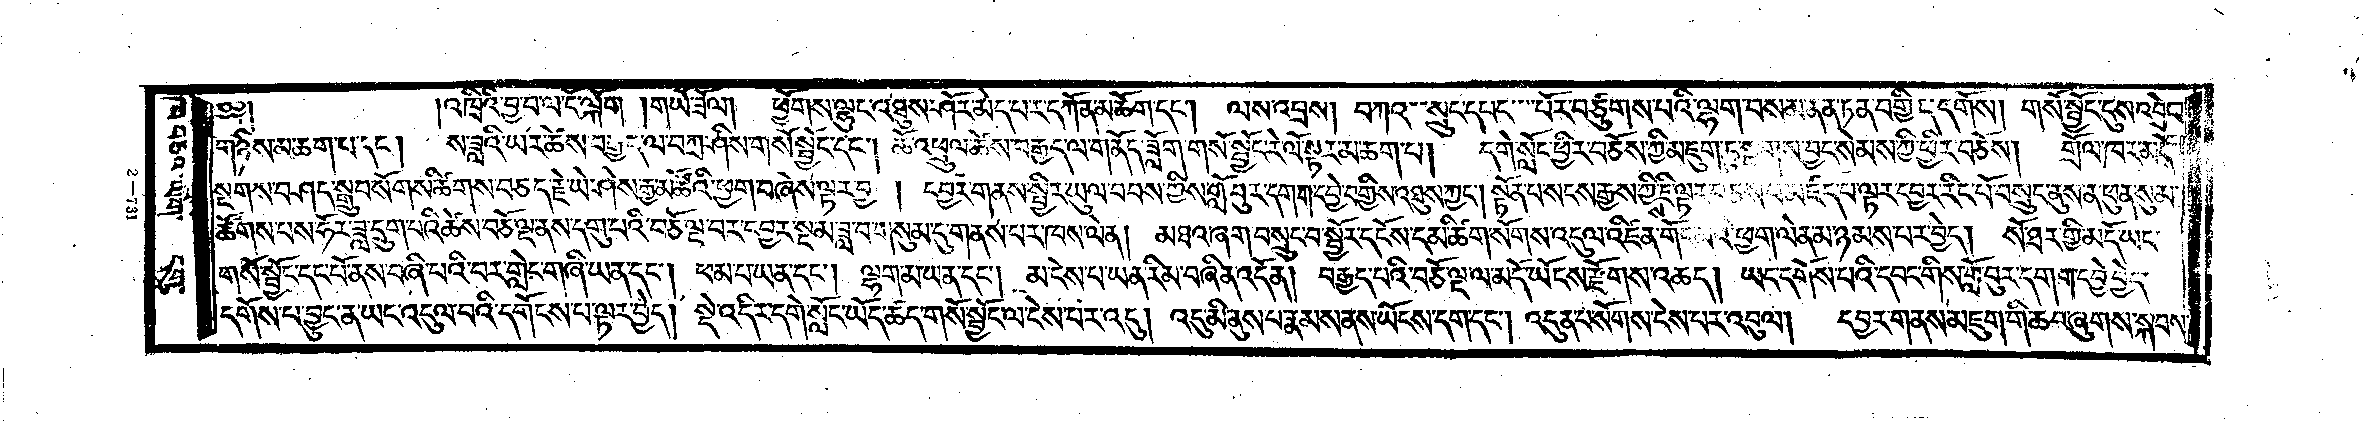༄༅། །འཁྲིའི་བྱ་བ་ལ་ངོ་ལྐོག །གཡོ་ཟོལ། ཕྱོགས་ལྷུང་འཐུས་ཤོར་མེད་པར་དཀོན་མཆོག་དང་། ལས་འབྲས། བཀའ་སྲུང་དཔང་པོར་བཙུགས་པའི་ལྷག་བསམ་ནན་ཏན་བགྱིད་དགོས། གསོ་སྦྱོང་དུས་འབྲེང་
གཉིས་མ་ཆག་པ་དང་། ས་ཟླའི་ཡར་ཚེས་བརྒྱད་ལ་བཀྲ་ཤིས་གསོ་སྦྱོང་དང་། ཆོ་འཕྲུལ་ཚེས་བརྒྱད་ལ་གནོད་ཟློག་གསོ་སྦྱོང་རེ་ལོ་སྟར་མ་ཆག་པ། དགེ་སློང་ཕྱིར་བཅོས་ཀྱི་མཇུག་ཏུ་སྔགས་བྱང་སེམས་ཀྱི་ཕྱིར་བཅོས། གྲོལ་ཁར་མདོ་
སྔགས་བཤད་སྒྲུབ་སོགས་ཚིགས་བཅད་རྗེ་ཡེ་ཤེས་རྒྱ་མཚོའི་ཕྱག་བཞེས་ལྟར་བྱ། དབྱེར་གནས་སྤྱིར་ཡུལ་བབས་ཀྱིས་གློ་བུར་དགག་དབྱེ་བགྱིས་འཐུས་ཀྱང་། སྟོན་པ་སངས་རྒྱས་ཀྱིས་ཇི་ལྟར་བཅས་པ་མཛད་པ་ལྟར་དབྱར་རིང་པོ་བསྲུང་ནུས་ན་ཕུན་སུམ་
ཚོགས་པས་ཧོར་ཟླ་དྲུག་པའི་ཚེས་བཅོ་ལྔ་ནས་དགུ་པའི་བཅོ་ལྔ་བར་དབྱར་སྔ་མ་ཟླ་བ་གསུམ་དུ་གནས་པར་ཁས་ལེན། མཐའ་ཞག་བསྲུང་བ་སྦྱོར་དངོས་དམ་ཚིག་སོགས་འདུལ་འཛིན་གོང་མའི་ཕྱག་ལེན་མ་ཉམས་པར་བྱེད། སོ་ཐར་གྱི་མདོ་ཡང་
གསོ་སྦྱོང་དང་པོ་ནས་བཞི་པའི་བར་གླེང་གཞི་ཡན་དང་། ཕམ་པ་ཡན་དང་། ལྷག་མ་ཡན་དང་། མ་ངེས་པ་ཡན་རིམ་བཞིན་འདོན། བརྒྱད་པའི་བཅོ་ལྔ་ལ་མདོ་ཡོངས་རྫོགས་འཆད། ཡང་དགོས་པའི་དབང་གིས་གློ་བུར་དགག་དབྱེ་བྱེད་
དགོས་པ་བྱུང་ན་ཡང་འདུལ་བའི་དགོངས་པ་ལྟར་བྱེད། སྡེ་འདིར་དགེ་སློང་ཡོད་ཚད་གསོ་སྦྱོང་ལ་ངེས་བར་འདུ། འདུ་མི་ནུས་པ་རྣམས་ནས་ཡོངས་དག་དང་། འདུན་པ་སོགས་ངེས་པར་འབུལ། དབྱར་གནས་མཇུག་གི་ཆབ་ཞུགས་སྐབས་